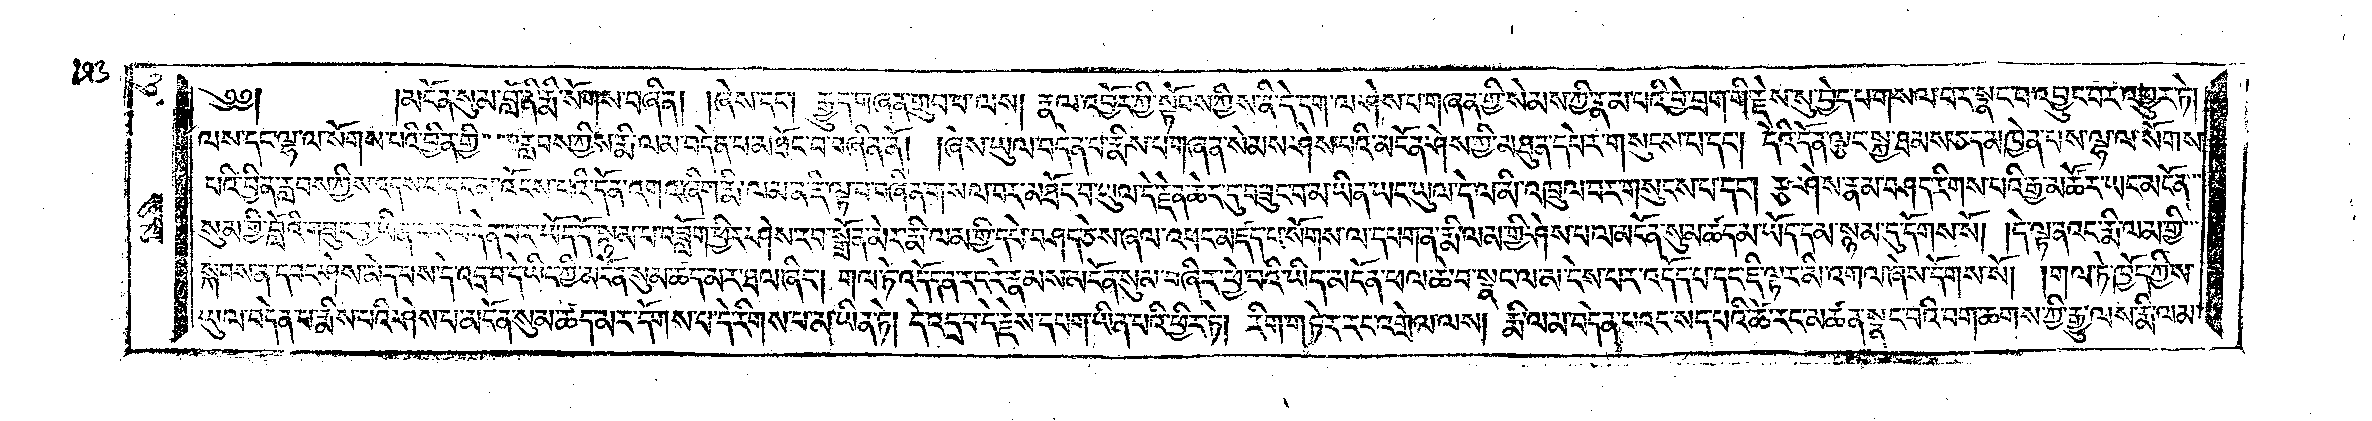༄༅། །མངོན་སུམ་བློ་ནི་རྨི་སོགས་བཞིན། །ཞེས་དང་། རྒྱུད་གཞན་གྲུབ་པ་ལས། རྣལ་འབྱོར་ཀྱི་སྟོབས་ཀྱིས་ནི་དེ་དག་ལ་ཤེས་པ་གཞན་གྱི་སེམས་ཀྱི་རྣམ་པའི་བྱེ་བྲག་གི་རྗེས་སུ་བྱེད་པ་གསལ་བར་སྣང་བ་འབྱུང་བར་འགྱུར་ཏེ།
ལས་དང་ལྷ་ལ་སོགས་པའི་བྱིན་གྱིས་བརླབས་ཀྱིས་རྨི་ལམ་བདེན་པ་མཐོང་བ་བཞིན་ནོ། །ཞེས་ཡུལ་བདེན་པ་རྨིས་པ་གཞན་སེམས་ཤེས་པའི་མངོན་ཤེས་ཀྱི་མཐུན་དཔེར་གསུངས་པ་དང་། དེའི་དོན་ལྕང་སྐྱ་ཐམས་ཅད་མཁྱེན་པས་ལྷ་ལ་སོགས་
པའི་བྱིན་རླབས་ཀྱིས་འདས་པ་དང་མ་འོངས་པའི་དོན་འགའ་ཞིག་རྨི་ལམ་ན་ཇི་ལྟ་བ་བཞིན་གསལ་བར་མཐོང་བ་ཡུལ་དེ་རྗེན་ཆེར་དུ་བཟུང་བ་མ་ཡིན་ཡང་ཡུལ་དེ་ལ་མི་འཁྲུལ་བར་གསུངས་པ་དང་། རྩ་ཤེས་རྣམ་བཤད་རིགས་པའི་རྒྱ་མཚོར་ཡང་མངོན་
སུམ་གྱི་བློའི་གཟུང་བྱ་ཡིན་པས་བདེན་པར་ཡོད་དོ་སྙམ་པ་བཟློག་ཕྱིར་ཤེས་རབ་སྒྲོན་མེར་རྨི་ལམ་གྱི་དཔེ་བཤད་ཅེས་ཞལ་འཕང་མཛད་པ་སོགས་ལ་དཔག་ན་རྨི་ལམ་གྱི་ཤེས་པ་ལ་མངོན་སུམ་ཚད་མ་ཡོད་དམ་སྙམ་དུ་དོགས་སོ། །དེ་ལྟ་ནའང་རྨི་ལམ་གྱི་
སྐབས་ན་དབང་ཤེས་མེད་པས་དེ་འདྲ་བ་དེ་ཡིད་ཀྱི་མངོན་སུམ་ཚད་མར་ཐལ་ཞིང་། གལ་ཏེ་འདོད་ན་རང་རེ་རྣམས་མངོན་སུམ་བཞིར་ཕྱེ་བའི་ཡིད་མངོན་ཕལ་ཆེ་བ་སྣང་ལ་མ་ངེས་པར་འདོད་པ་དང་ཇི་ལྟར་མི་འགལ་ཞེས་དོགས་སོ། །གལ་ཏེ་ཁྱོད་ཀྱིས་
ཡུལ་བདེན་པ་རྨིས་པའི་ཤེས་པ་མངོན་སུམ་ཚད་མར་དོགས་པ་དེ་རིགས་པ་མ་ཡིན་ཏེ། དེ་འདྲ་བ་དེ་རྗེས་དཔག་ཡིན་པའི་ཕྱིར་ཏེ། རིག་གཏེར་རང་འགྲེལ་ལས། རྨི་ལམ་བདེན་པའང་སད་པའི་ཚེ་རང་མཚན་སྣང་བའི་བག་ཆགས་ཀྱི་རྒྱུ་ལས་རྨི་ལམ་